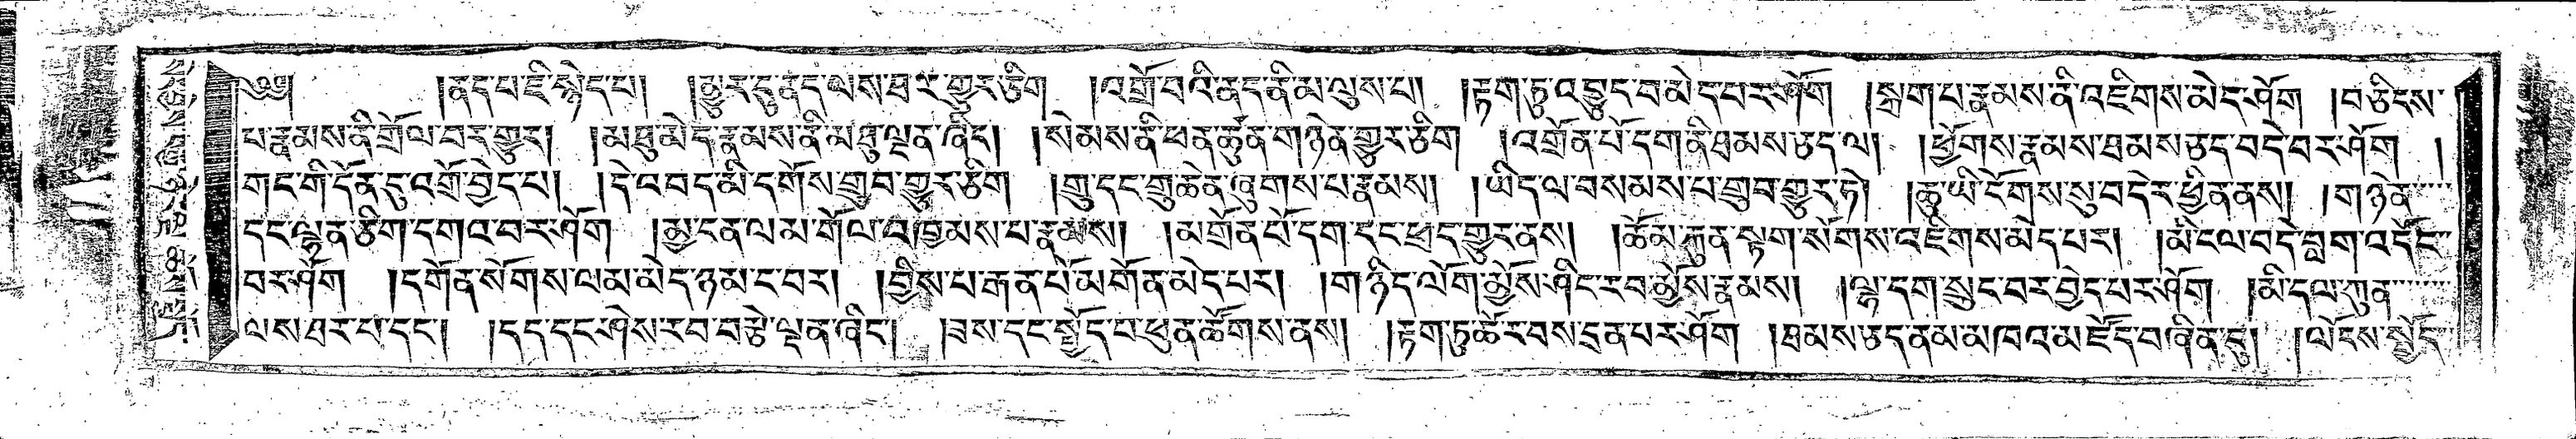༄༅། །ནད་པ་ཇི་སྙེད་པ། །མྱུར་དུ་ནད་ལས་ཐར་གྱུར་ཅིག །འགྲོ་བའི་ནད་ནི་མ་ལུས་པ། །རྟག་ཏུ་འབྱུང་བ་མེད་པར་ཤོག །སྐྲག་པ་རྣམས་ནི་འཇིགས་མེད་ཤོག །བཅིངས་
པ་རྣམས་ནི་གྲོལ་བར་གྱུར། །མཐུ་མེད་རྣམས་ནི་མཐུ་ལྡན་ཞིང་། །སེམས་ནི་ཕན་ཚུན་གཉེན་གྱུར་ཅིག །འགྲོན་པོ་དག་ནི་ཐམས་ཅད་ལ། །ཕྱོགས་རྣམས་ཐམས་ཅད་བདེ་བར་ཤོག །
གང་གི་དོན་དུ་འགྲོ་བྱེད་པ། །དེ་འབད་མི་དགོས་གྲུབ་གྱུར་ཅིག །གྲུ་དང་གྲུ་ཆེན་ཞུགས་པ་རྣམས། །ཡིད་ལ་བསམས་པ་གྲུབ་གྱུར་ཏེ། །ཆུ་ཡི་དོགས་སུ་བདེར་ཕྱིན་ནས། །གཉེན་
དང་ལྷན་ཅིག་དགའ་བར་ཤོག །མྱ་ངན་ལམ་གོལ་འཁྱམས་པ་རྣམས། །མགྲོན་པོ་དག་དང་ཕྲད་གྱུར་ནས། །ཆོམ་རྐུན་སྟག་སོགས་འཇིགས་མེད་པར། །མི་ངལ་བདེ་བླག་འདོར་
བར་ཤོག །དགོན་སོགས་ལམ་མེད་ཉམ་ང་བར། །བྱིས་པ་རྒན་པོ་མགོན་མེད་པར། །གཉིད་ལོག་མྱོས་ཤིང་རབ་མྱོས་རྣམས། །ལྷ་དག་སྲུང་བར་བྱེད་པར་ཤོག །མི་དལ་ཀུན་
ལས་ཐར་པ་དང་། །དད་དང་ཤེས་རབ་བརྩེ་ལྡན་ཞིང་། །ཟས་དང་སྤྱོད་པ་ཕུན་ཚོགས་ནས། །རྟག་ཏུ་ཚེ་རབས་དྲན་པར་ཤོག །ཐམས་ཅད་ནམ་མཁའ་མཛོད་བཞིན་དུ། །ལོངས་སྤྱོད་